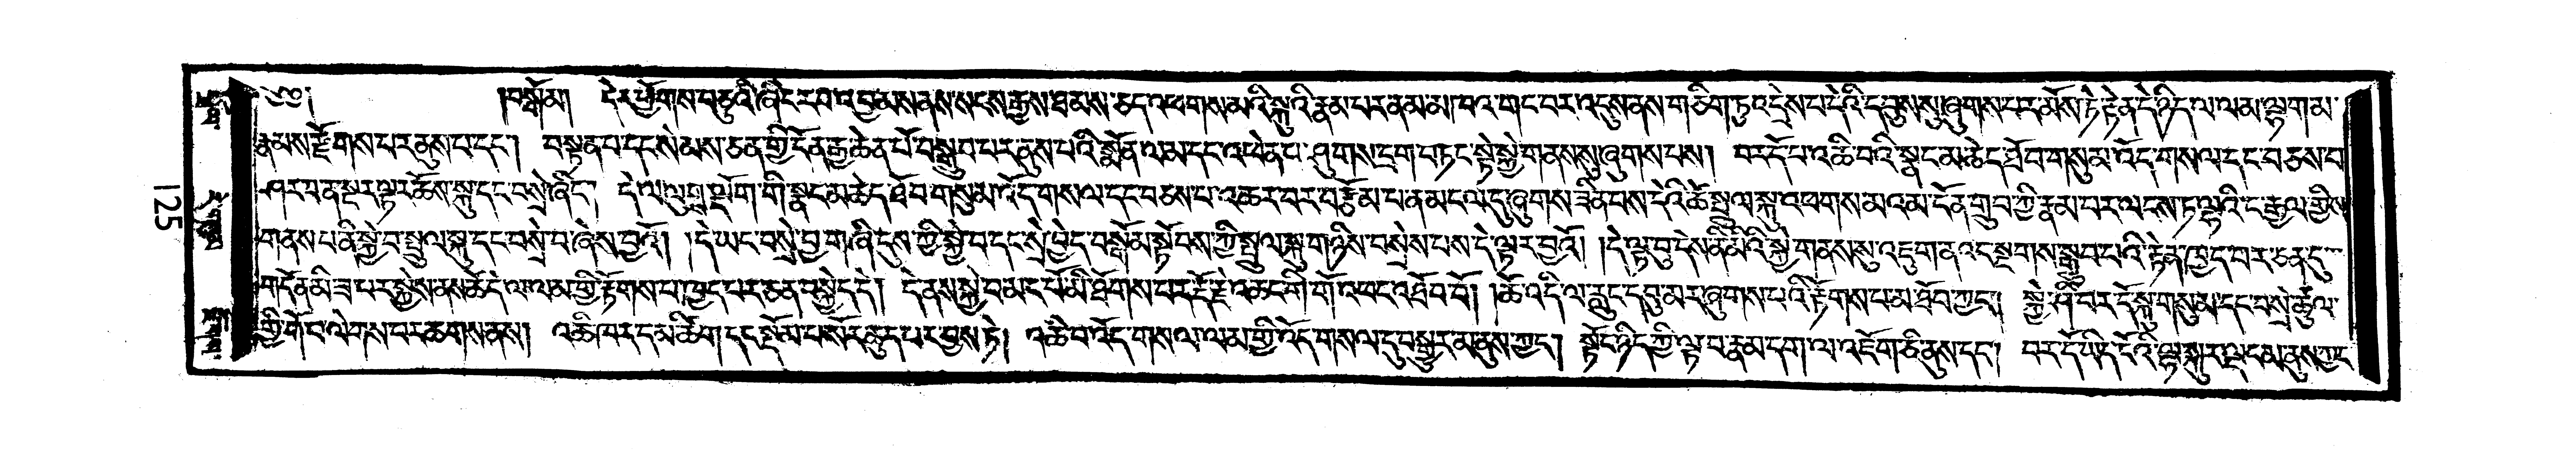༄༅། །བསྒོམ། དེར་ཕྱོགས་བཅུའི་ཞིང་རབ་འབྱམས་ནས་སངས་རྒྱས་ཐམས་ཅད་འཕགས་མའི་སྐུའི་རྣམ་པར་ནམ་མཁའ་གང་བར་འདུས་ནས་གཅིག་ཏུ་འདྲེས་པ་དེའི་དབུས་སུ་ཞུགས་པར་མོས་ཏེ་རྟེན་དེ་ཉིད་ལ་ལམ་ལྷག་མ་
རྣམས་རྫོགས་པར་ནུས་པ་དང་། བསྟན་པ་དང་སེམས་ཅན་གྱི་དོན་རྒྱ་ཆེན་པོ་བསྒྲུབ་པར་ནུས་པའི་སྨོན་ལམ་དང་འཕེན་པ་ཤུགས་དྲག་བཏང་སྟེ་སྐྱེ་གནས་སུ་ཞུགས་པས། བར་དོ་བ་འཆི་བའི་སྣང་མཆེད་ཐོབ་གསུམ་འོད་གསལ་དང་བཅས་པ་
ཤར་བན་སྔར་ལྟར་ཆོས་སྐུ་དང་བསྲེ་ཞིང་། དེ་ལ་ལུགས་ལྡོག་གི་སྣང་མཆེད་ཐོབ་གསུམ་འོད་གསལ་དང་བཅས་པ་འཆར་བར་བརྩོམ་པ་ན་མངལ་དུ་ཞུགས་ཟིན་པས་དེའི་ཚེ་སྤྲུལ་སྐུ་འཕགས་མའམ་དོན་གྲུབ་ཀྱི་རྣམ་པར་ལངས་ཏེ་ལྷའི་ང་རྒྱལ་གྱིས་
གནས་པ་ནི་སྐྱེ་བ་སྤྲུལ་སྐུ་དང་བསྲེ་བ་ཞེས་བྱའོ། །དེ་ཡང་བསྲེ་བྱ་གཞི་དུས་ཀྱི་སྐྱེ་བ་དང་སྲེ་བྱེད་བསྒོམ་སྟོབས་ཀྱི་སྤྲུལ་སུ་གཉིས་བསྲེས་པས་དེ་ལྟར་བྱའོ། །དེ་ལྟ་བུ་དེས་ནི་མིའི་སྐྱེ་གནས་སུ་འཇུག་ནའང་སྔགས་སྒྲུབ་པའི་རྟེན་ཁྱད་པར་ཅན་དུ་
གདོན་མི་ཟ་བར་སྐྱེས་ནས་ཆེ་དེ་ལ་ལམ་གྱི་རྟོགས་པ་ཁྱད་པར་ཅན་བསྐྱེད་དེ། དེ་ནས་སྐྱེ་བ་མང་པོ་མི་ཐོགས་པར་རྡོ་རྗེ་འཆང་གི་གོ་འཕང་འཐོབ་བོ། །ཚེ་འདི་ལ་རླུང་དབུ་མར་ཞུགས་པའི་རྟོགས་པ་མ་ཐོབ་ཀྱང་། སྐྱེ་ཤི་བར་དོ་གསུམ་སྐུ་གསུམ་དང་བསྲེ་ཚུལ་
གྱི་གོ་བ་ལེགས་པར་ཆགས་ནས། འཆི་ཁར་དམ་ཚིག་དང་སྡོམ་པ་སོར་ཆུང་བར་བྱས་ཏེ། འཆི་བ་འོད་གསལ་ལམ་གྱི་འོད་གསལ་དུ་བསྒྱུར་མ་ནུས་ཀྱང་། སྟོང་ཉིད་ཀྱི་ལྟ་བ་རྣམ་དག་ལ་འཇོག་ཅི་ནུས་དང་། བར་དོ་ཡིད་དོའི་ལྟ་སྐུར་ལྡང་མ་ནུས་ཀྱང་